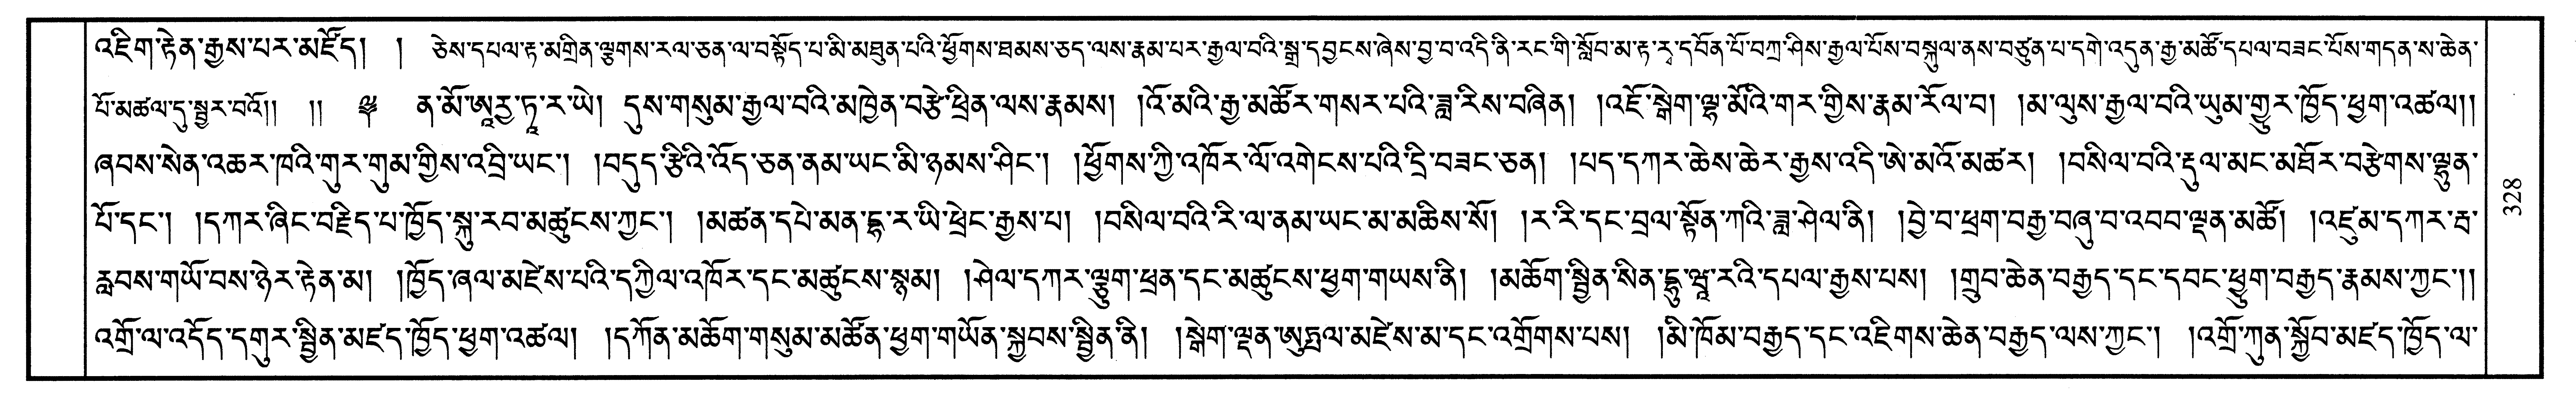འཇིག་རྟེན་རྒྱས་པར་མཛོད། །ཅེས་དཔལ་རྟ་མགྲིན་ལྕགས་རལ་ཅན་ལ་བསྟོད་པ་མི་མཐུན་པའི་ཕྱོགས་ཐམས་ཅད་ལས་རྣམ་པར་རྒྱལ་བའི་སྒྲ་དབྱངས་ཞེས་བྱ་བ་འདི་ནི་རང་གི་སློབ་མ་རྟ་རཱ་དབོན་པོ་བཀྲ་ཤིས་རྒྱལ་པོས་བསྐུལ་ནས་བཙུན་པ་དགེ་འདུན་རྒྱ་མཚོ་དཔལ་བཟང་པོས་གདན་ས་ཆེན་
པོ་མཚལ་དུ་སྦྱར་བའོ།། །། ༈ ན་མོ་ཨཱརྱ་ཏཱ་ར་ཡེ། དུས་གསུམ་རྒྱལ་བའི་མཁྱེན་བརྩེ་ཕྲིན་ལས་རྣམས། །འོ་མའི་རྒྱ་མཚོར་གསར་པའི་ཟླ་རིས་བཞིན། །འཇོ་སྒེག་ལྷ་མོའི་གར་གྱིས་རྣམ་རོལ་བ། །མ་ལུས་རྒྱལ་བའི་ཡུམ་གྱུར་ཁྱོད་ཕྱག་འཚལ།།
ཞབས་སེན་འཆར་ཁའི་གུར་གུམ་གྱིས་འབྲི་ཡང་། །བདུད་རྩིའི་འོད་ཅན་ནམ་ཡང་མི་ཉམས་ཤིང་། །ཕྱོགས་ཀྱི་འཁོར་ལོ་འགེངས་པའི་དྲི་བཟང་ཅན། །པད་དཀར་ཆེས་ཆེར་རྒྱས་འདི་ཨེ་མའོ་མཚར། །བསིལ་བའི་རྡུལ་མང་མཐོར་བརྩེགས་ལྷུན་
པོ་དང་། །དཀར་ཞིང་བརྗིད་པ་ཁྱོད་སྐུ་རབ་མཚུངས་ཀྱང་། །མཚན་དཔེ་མན་དྷ་ར་ཡི་ཕྲེང་རྒྱས་པ། །བསིལ་བའི་རི་ལ་ནམ་ཡང་མ་མཆིས་སོ། །ར་རི་དང་བྲལ་སྟོན་ཀའི་ཟླ་ཤེལ་ནི། །བྱེ་བ་ཕྲག་བརྒྱ་བཞུ་བ་འབབ་ལྡན་མཚོ། །འཛུམ་དཀར་རྦ་
རླབས་གཡོ་བས་ཉེར་རྟེན་མ། །ཁྱོད་ཞལ་མཛེས་པའི་དཀྱིལ་འཁོར་དང་མཚུངས་སྙམ། །ཤེལ་དཀར་ལྕུག་ཕྲན་དང་མཚུངས་ཕྱག་གཡས་ནི། །མཆོག་སྦྱིན་སིན་དྷུ་ཝཱ་རའི་དཔལ་རྒྱས་པས། །གྲུབ་ཆེན་བརྒྱད་དང་དབང་ཕྱུག་བརྒྱད་རྣམས་ཀྱང།།
འགྲོ་ལ་འདོད་དགུར་སྦྱིན་མཛད་ཁྱོད་ཕྱག་འཚལ། །དཀོན་མཆོག་གསུམ་མཚོན་ཕྱག་གཡོན་སྐབས་སྦྱིན་ནི། །སྒེག་ལྡན་ཨུཏྤལ་མཛེས་མ་དང་འགྲོགས་པས། །མི་ཁོམ་བརྒྱད་དང་འཇིགས་ཆེན་བརྒྱད་ལས་ཀྱང་། །འགྲོ་ཀུན་སྐྱོབ་མཛད་ཁྱོད་ལ་